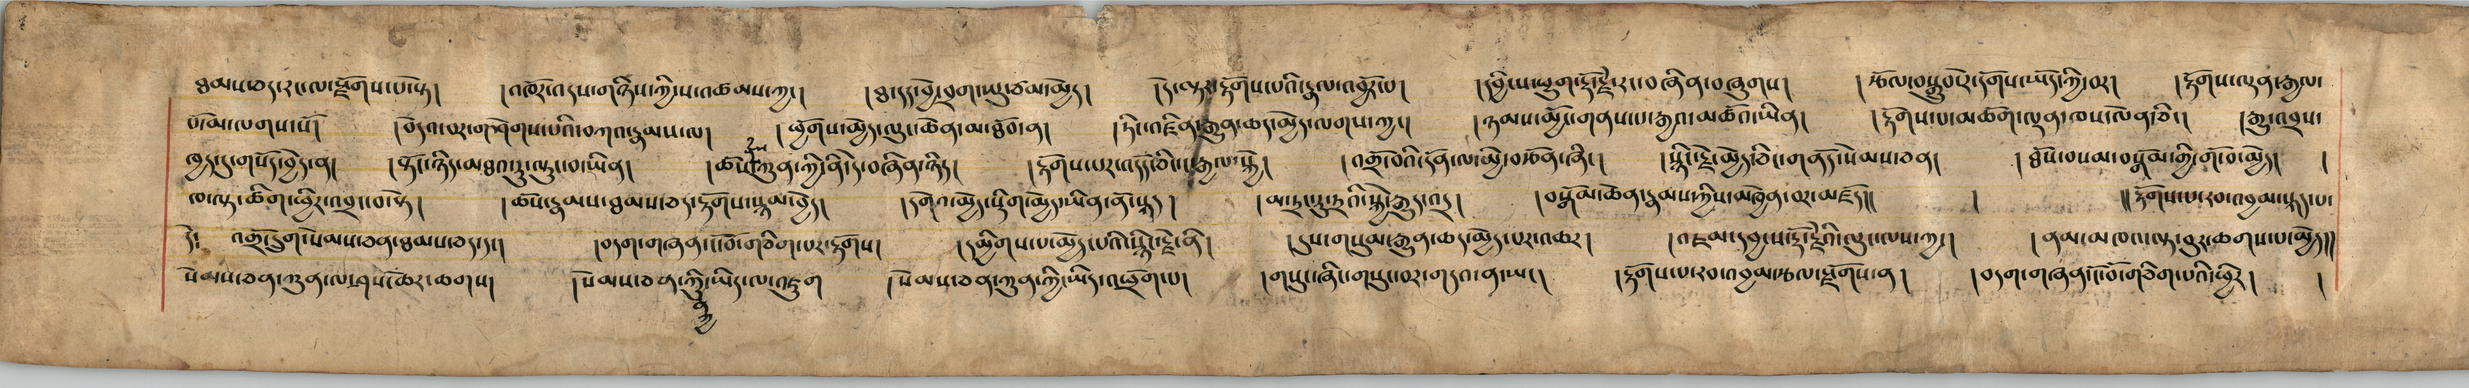ཐམས་ཅད་རང་ལ་སྫོགས་པ་སྟེ། །འཁོར་འདས་གཉིས་ཀྱི་ས་འཚམས་ཀྱང། །ཐ་དད་བྱེ་བྲག་སྤུ་ཙམ་མྱེད། །དེ་ལྟར་རྟོགས་པའི་རྣལ་འབྱོར་པ། དབྱིངས་ཕྱུག་རྡོ་རྗེ་རང་བཞིན་བཞུགས། །རྩོལ་བསྒྲུབ་རེ་དོགས་ཡོད་ཀྱི་བར། །རྟོགས་ལྡན་རྒྱལ་
པོ་མ་ལགས་སོ། །བདེའ་བར་གཤེགས་པའི་བཀའ་རྣམས་ལ། ཕྱོགས་མྱེད་ལུང་ཆེན་མ་ཐོབ་ན། །ཏིང་འཛིན་རྒྱུན་ཆད་མྱེད་ལགས་ཀྱང། །ཉམས་མྱོང་གནས་པ་རྒྱའ་མཚོའ་ཡིན། །རྟོགས་པ་མཆོག་ལྡན་ཁས་ལེན་ཅིང། །རྒྱུ་འབྲས་
ཁྱད་དུ་གསོད་བྱེད་ན། །སྟོང་ཉིད་མཐའ་རུ་ལྟུང་བ་ཡིན། །ཆོས་ཀུན་ཀྱི་ནི་དེ་བཞིན་ཉིད། །རྟོགས་པར་འདོད་ཅིང་ང་རྒྱལ་སྐྱེ། །འགྲོ་བའི་དོན་ལ་མྱི་བརྩོན་ཞིང། །སྙིང་རྗེ་མྱེད་ཅིང་གནོད་སེམས་ཅན། །ཐོས་བསམ་བསྒོམ་གྱི་གོ་བ་མྱེད།
ཁ་ལྟ་ཚིག་ཕྱིར་འབྲང་བ་སྟེ། །ཆོས་རྣམས་ཐམས་ཅད་རྟོགས་སྙམ་བྱེད། །དགེའ་མྱེད་སྡིག་མྱེད་ཡིན་ནོ་སྐད། །མ་ཏྲ་རུ་ཏྲའི་སྐྱེ་རྒྱུད་འདྲ། །བསྒོམ་ཆེན་རྣམས་ཀྱིས་མཁྱེན་བར་མཛོད།། ། །།རྟོགས་པ་རབ་འབྱམ་སྐད་པ་
དེ༴ འགྲོ་དྲུག་སེམས་ཅན་ཐམས་ཅད་དང། །བདག་གཞན་ངོ་བོ་གཅིག་པར་རྟོགས། །དམྱིགས་པ་མྱེད་པའི་སྙིང་རྗེ་ནི། །དུས་གསུམ་རྒྱུན་ཆད་མྱེད་པར་འཆར། །འཇམ་དབྱངས་རྡོ་རྗེའི་ལུང་ལས་ཀྱང། །ནམ་མལཁའ་ལྟ་བུར་ཆགས་པ་མྱེད།།
སེམས་ཅན་ཀུན་ཤས་ཆེར་ཆགས། །སེམས་ཅན་ཀུན་གྱི་ཡིད་ལ་འཇུག །སེམས་ཅན་ཀུན་ཀྱི་འཕྲོག་པ། །གསུང་ཞིང་གསུང་བར་གདའ་ན་ཡང། །རྟོགས་པ་རབ་འབྱམ་རྩལ་རྫོགས་ན། །བདག་གཞན་ངོ་བོ་གཅིག་པའི་ཕྱིར།